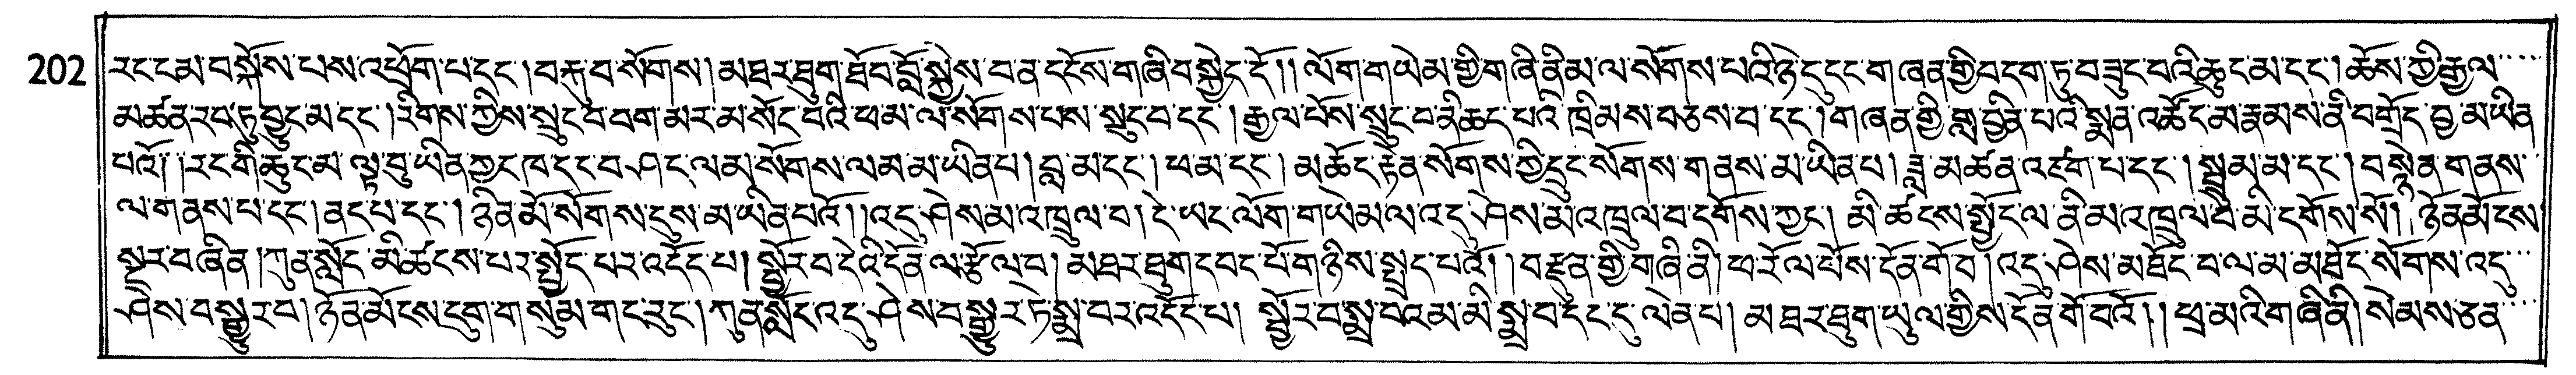རང་ངམ་བསྐོས་པས་འཕྲོག་པ་དང་། བརྐུ་བ་སོགས། མཐར་ཐུག་ཐོབ་བློ་སྐྱེས་བ་ན་དངོས་གཞི་བསྐྱེད་དོ། །ལོག་གཡེམ་གྱི་གཞི་ནི་མ་ལ་སོགས་པའི་ཉེ་དུ་དང་གཞན་གྱི་བདག་ཏུ་བཟུང་བའི་ཆུང་མ་དང་། ཆོས་ཀྱི་རྒྱལ་
མཚན་རབ་ཏུ་བྱུང་མ་དང་། རིགས་ཀྱིས་སྲུང་བ་བག་མར་མ་སོང་བའི་ཕ་མ་ལ་སོགས་པས་སྲུང་བ་དང་། རྒྱལ་པོས་སྲུང་བ་ནི་ཆད་པའི་ཁྲིམས་བཅས་བ་དང་། གཞན་གྱི་གླ་བྱིན་པའི་སྨན་འཚོང་མ་རྣམས་ནི་བགྲོད་བྱ་མ་ཡིན་
པའོ༑ ༑རང་གི་ཆུང་མ་ལྟ་བུ་ཡིན་ཀྱང་ཁ་དང་བཤད་ལམ་སོགས་ལམ་མ་ཡིན་པ། བླ་མ་དང་། ཕ་མ་དང་། མཆོད་རྟེན་སོགས་ཀྱི་དྲུང་སོགས་གནས་མ་ཡིན་པ། །ཟླ་མཚན་འཛག་པ་དང་། སྦྲུམ་མ་དང་། བསྙེན་གནས་
ལ་གནས་པ་དང་། ནད་པ་དང་། ཉིན་མོ་སོགས་དུས་མ་ཡིན་པའོ། ། འདུ་ཤེས་མ་འཁྲུལ་བ། དེ་ཡང་ལོག་གཡེམ་ལ་འདུ་ཤེས་མ་འཁྲུལ་བ་དགོས་ཀྱང་། མི་ཚངས་སྤྱོད་ལ་ནི་མ་འཁྲུལ་བ་མི་དགོས་སོ། །ཉོན་མོངས་
སྔར་བཞིན། ཀུན་སློང་མི་ཚངས་པར་སྤྱོད་པར་འདོད་པ། སྦྱོར་བ་དེའི་དོན་ལ་རྩོལ་བ། མཐར་ཐུག་དབང་པོ་གཉིས་སྤྲད་པའོ། །བརྫུན་གྱི་གཞི་ནི། ཕ་རོལ་པོས་དོན་གོ་བ། འདུ་ཤེས་མཐོང་བ་ལ་མ་མཐོང་སོགས་འདུ་
ཤེས་བསྒྱུར་བ། ཉོན་མོངས་དུག་གསུམ་གང་རུང་། ཀུན་སློང་འདུ་ཤེས་བསྒྱུར་ཏེ་སྨྲ་བར་འདོད་པ། སྦྱོར་བ་སྨྲ་བའམ་མི་སྨྲ་བ་དང་དུ་ལེན་པ། མཐར་ཐུག་ཡུལ་གྱིས་དོན་གོ་བའོ། །ཕྲ་མའི་གཞི་ནི། སེམས་ཅན་